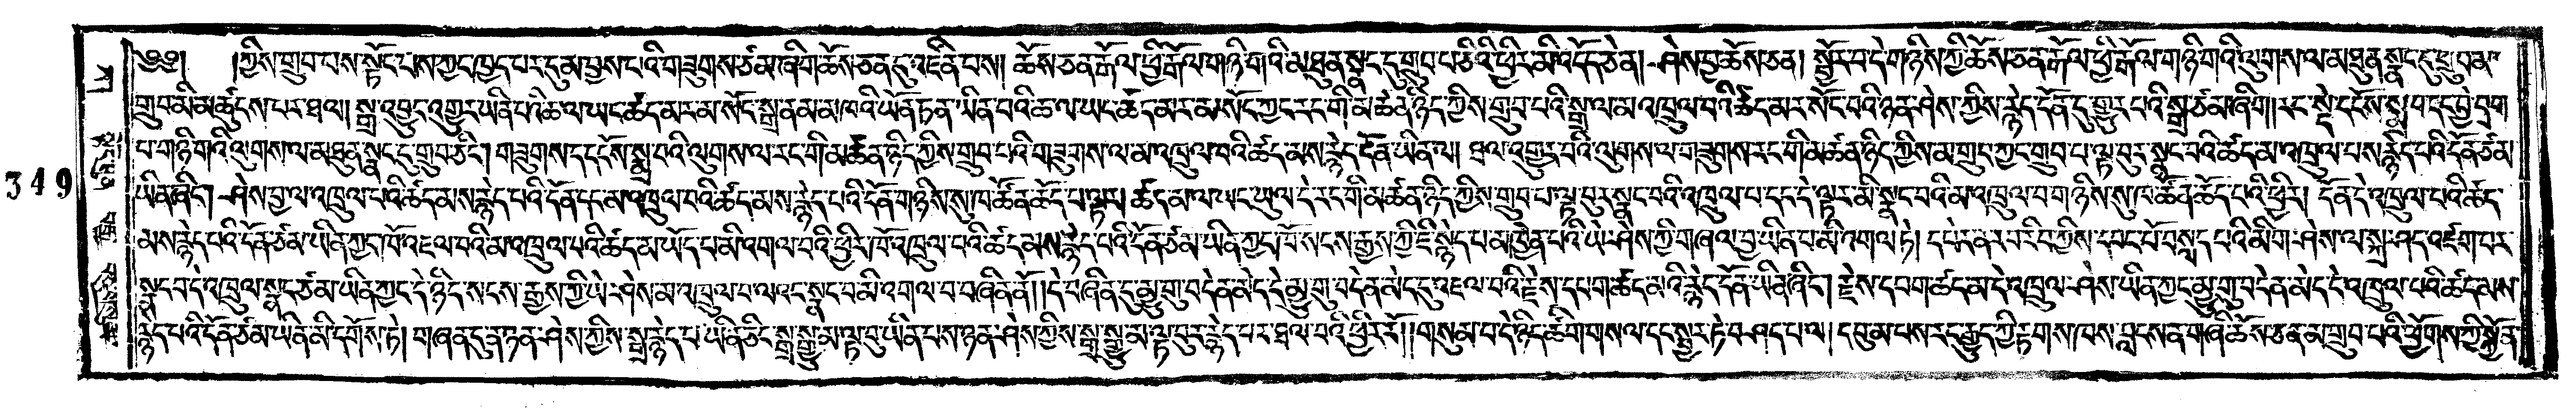༄༅། །ཀྱིས་གྲུབ་པས་སྟོང་པས་ཀྱང་ཁྱད་པར་དུ་མ་བྱས་པའི་གཟུགས་ཙམ་ཞིག་ཆོས་ཅན་དུ་འཛིན་པས། ཆོས་ཅན་རྒོལ་ཕྱི་རྒོལ་གཉི་གའི་མཐུན་སྣང་དུ་གྲུབ་པ་ཅིའི་ཕྱིར་མི་འདོད་ཅེ་ན། ཤེས་བྱ་ཆོས་ཅན། སྦྱོར་བ་དེ་གཉིས་ཀྱི་ཆོས་ཅན་རྒོལ་ཕྱི་རྒོལ་གཉི་གའི་ལུགས་ལ་མཐུན་སྣང་དུ་གྲུབ་མ་
གྲུབ་མི་མཚུངས་པར་ཐལ། སྒྲ་འབྱུང་འགྱུར་ཡིན་པའི་ཆ་ལ་ཡང་ཚད་མར་མ་སོང་སྒྲ་ནམ་མཁའི་ཡོན་ཏན་ཡིན་པའི་ཆ་ལ་ཡང་ཚད་མར་མ་སོང་ཀྱང་རང་གི་མཚན་ཉིད་ཀྱིས་གྲུབ་པའི་སྒྲ་ལམ་འཁྲུལ་བའི་ཚད་མར་སོང་བའི་ཉན་ཤེས་ཀྱིས་རྙེད་དོན་དུ་གྱུར་པའི་སྒྲ་ཙམ་ཞིག། རང་སྡེ་དངོས་སྨྲ་བ་དང་བྱེ་བྲག་
པ་གཉི་གའི་ལུགས་ལ་མཐུན་སྣང་དུ་གྲུབ་ཅིང་། གཟུགས་དངོས་སྨྲ་བའི་ལུགས་ལ་རང་གི་མཚན་ཉིད་ཀྱིས་གྲུབ་པའི་གཟུགས་ལ་མ་འཁྲུལ་བའི་ཚད་མས་རྙེད་དོན་ཡིན་ལ། ཐལ་འགྱུར་བའི་ལུགས་ལ་གཟུགས་རང་གི་མཚན་ཉིད་ཀྱིས་མ་གྲུབ་ཀྱང་གྲུབ་པ་ལྟ་བུར་སྣང་བའི་ཚད་མ་འཁྲུལ་པས་རྙེད་པའི་དོན་ཙམ་
ཡིན་ཞིང་། ཤེས་བྱ་ལ་འཁྲུལ་པའི་ཚད་མས་རྙེད་པའི་དོན་དང་མ་འཁྲུལ་བའི་ཚད་མས་རྙེད་པའི་དོན་གཉིས་སུ་ཁ་ཚོན་ཆོད་པ་ལྟར། ཚད་མ་ལ་ཡང་ཡུལ་དེ་རང་གི་མཚན་ཉིད་ཀྱིས་གྲུབ་པ་ལྟ་བུར་སྣང་བའི་འཁྲུལ་པ་དང་དེ་ལྟར་མི་སྣང་བའི་མ་འཁྲུལ་བ་གཉིས་སུ་ཁ་ཚོན་ཆོད་པའི་ཕྱིར། དོན་དེ་འཁྲུལ་པའི་ཚོད་
མས་རྙེད་པའི་དོན་ཙམ་ཡིན་ཀྱང་ཁོ་འཇལ་བའི་མ་འཁྲུལ་པའི་ཚད་མ་ཡོད་པ་མི་འགལ་བའི་ཕྱིར་ཁོ་འཁྲུལ་པའི་ཚད་མས་རྙེད་པའི་དོན་ཙམ་ཡིན་ཀྱང་ཁོ་སངས་རྒྱས་ཀྱི་ཇི་སྙེད་པ་མཁྱེན་པའི་ཡེ་ཤེས་ཀྱི་གཞལ་བྱ་ཡིན་པ་མི་འགལ་ཏེ། དཔེར་ན་རབ་རིབ་ཀྱིས་དབང་པོ་བསླད་པའི་མིག་ཤེས་ལ་སྐྲ་ཤད་འཛག་པར་
སྣང་བ་དེ་འཁྲུལ་སྣང་ཙམ་ཡིན་ཀྱང་དེ་ཉིད་སངས་རྒྱས་ཀྱི་ཡེ་ཤེས་མ་འཁྲུལ་བ་ལའང་སྣང་བ་མི་འགལ་བ་བཞིན་ནོ། །དེ་བཞིན་དུ་མྱུ་གུ་བདེན་མེད་དེ་མྱུ་གུ་བདེན་མེད་དུ་འཇལ་བའི་རྗེས་དཔག་ཚད་མའི་རྙེད་དོན་ཡིན་ཞིང་། རྗེས་དཔག་ཚད་མེད་འཁྲུལ་ཤེས་ཡིན་ཀྱང་མྱུ་གུ་བདེན་མེད་དེ་འཁྲུལ་པའི་ཚད་མས་
རྙེད་པའི་དོན་ཙམ་ཡིན་མི་དགོས་ཏེ། གཞན་དུ་ན་ཉན་ཤེས་ཀྱིས་སྒྲ་རྙེད་པ་ཡིན་ཅིང་སྒྲ་སྒྱུ་མ་ལྟ་བུ་ཡིན་པས་ཉན་ཤེས་ཀྱིས་སྒྲ་སྒྱུ་མ་ལྟ་བུར་རྙེད་པར་ཐལ་བའི་ཕྱིར་རོ། །གསུམ་པ་དེ་ཉིད་ཚིག་གསལ་དང་སྦྱར་ཏེ་བཤད་པ་ལ། དབུ་མ་པས་རང་རྒྱུད་ཀྱི་རྟགས་ཁས་བླངས་ན་གཞི་ཆོས་ཅན་མ་གྲུབ་པའི་ཕྱོགས་ཀྱི་སྐྱོན་